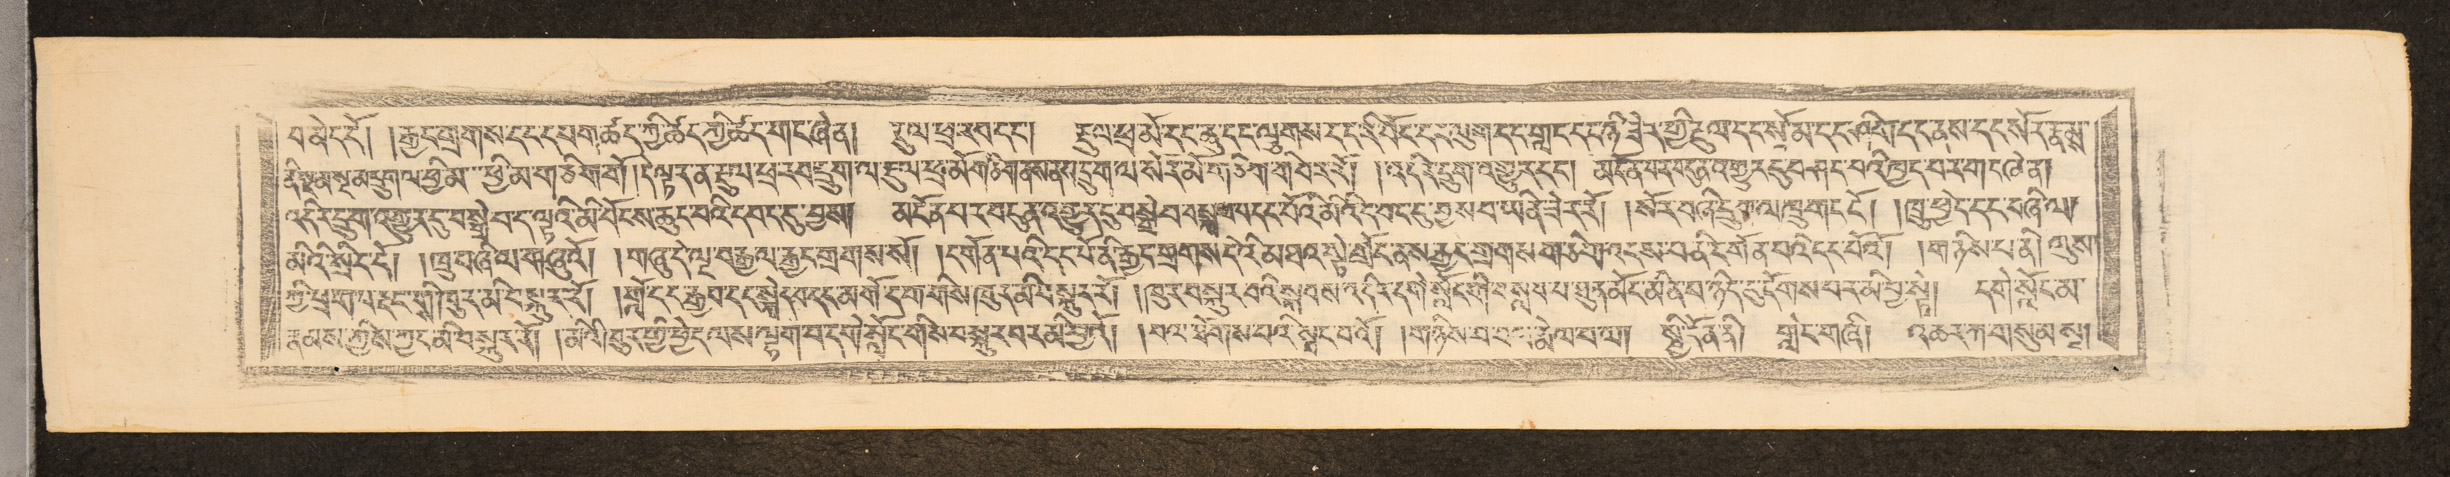པ་མེད་དོ། །རྒྱང་གྲགས་དང་དཔག་ཚད་ཀྱི་ཚད་གང་ཞེ་ན། རྡུལ་ཕྲ་རབ་དང་། རྡུལ་ཕྲ་མོ་དང་ཆུ་དང་ལྕགས་དང་རི་བོང་དང་ལུག་དང་གླང་དང་ཉི་ཟེར་གྱི་རྡུལ་དང་སྲོམ་དང་ཤིག་དང་ནས་དང་སོར་རྣམས་
ནི་སྔ་མ་སྔ་མ་དྲུག་ལ་ཕྱི་མ་ཕྱི་མ་གཅིག་གོ །དེ་ལྟར་ན་རྡུལ་ཕྲ་རབ་དྲུག་ལ་རྡུལ་ཕྲ་མོ་གཅིག་ནས་ནས་དྲུག་ལ་སོར་མོ་གཅིག་གི་བར་རོ། །འདིར་དྲུག་འགྱུར་དང་། མངོན་པར་བདུན་འགྱུར་དུ་བཤད་པའི་ཁྱད་པར་གང་ཞེ་ན།
འདིར་དྲུག་འགྱུར་དུ་བསྒྲེབ་ད་ལྟའི་མི་བོངས་ཆུང་བའི་དབང་དུ་བྱས། མངོན་པར་བདུན་འགྱུར་དུ་བསྒྲེ་བ་བསྐལ་པ་དང་པོའི་མིའི་དབང་དུ་བྱས་པ་ཡིན་ཟེར་རོ། །སོར་བཞི་དྲུག་ལ་ཁྲུ་གང་ངོ། །ཁྲུ་ཕྱེད་དང་བཞི་ལ་
མིའི་སྲིད་དོ། །ཁྲུ་བཞི་ལ་གཞུའོ། །གཞུ་དེ་ལྔ་བརྒྱ་ལ་རྒྱང་གྲགས་སོ། །དགོན་པའི་དང་པོ་ནི་རྒྱང་གྲགས་དེའི་མཐའ་སྟེ་གྲོང་ནས་རྒྱང་གྲགས་གཅིག་འདས་པ་ནི་དགོན་པའི་དང་པོའོ། །གཉིས་པ་ནི། ལུས་
ཀྱི་ཕྲག་བརྡང་གིས་ཁུར་མི་བསྐུར་རོ། །གློ་དང་རྒྱབ་དང་སྐེད་པ་དང་མགོ་དག་གིས་ཁུར་མི་བསྐུར་རོ། །ཁུར་བསྐུར་བའི་སྐབས་འདིར་དགེ་སློང་གི་བསླབ་པ་ཐུན་མོང་མིན་པ་ཉིད་དུ་དོགས་པར་མི་བྱ་སྟེ། དགེ་སློང་མ་
རྣམས་ཀྱིས་ཀྱང་མི་བསྐུར་རོ། །མིའི་ཁུར་གྱི་ཕྱེད་ལས་ལྷག་པ་དགེ་སློང་གིས་བསྐུར་བར་མི་བྱའོ། །བལ་ཐོགས་པའི་སྤང་བའོ། །གཉིས་པ་བལ་རྨེལ་བ་ལ། སྤྱི་དོན་ནི། གླེང་གཞི། འཆར་ཀ་གསུམ་སྔ་